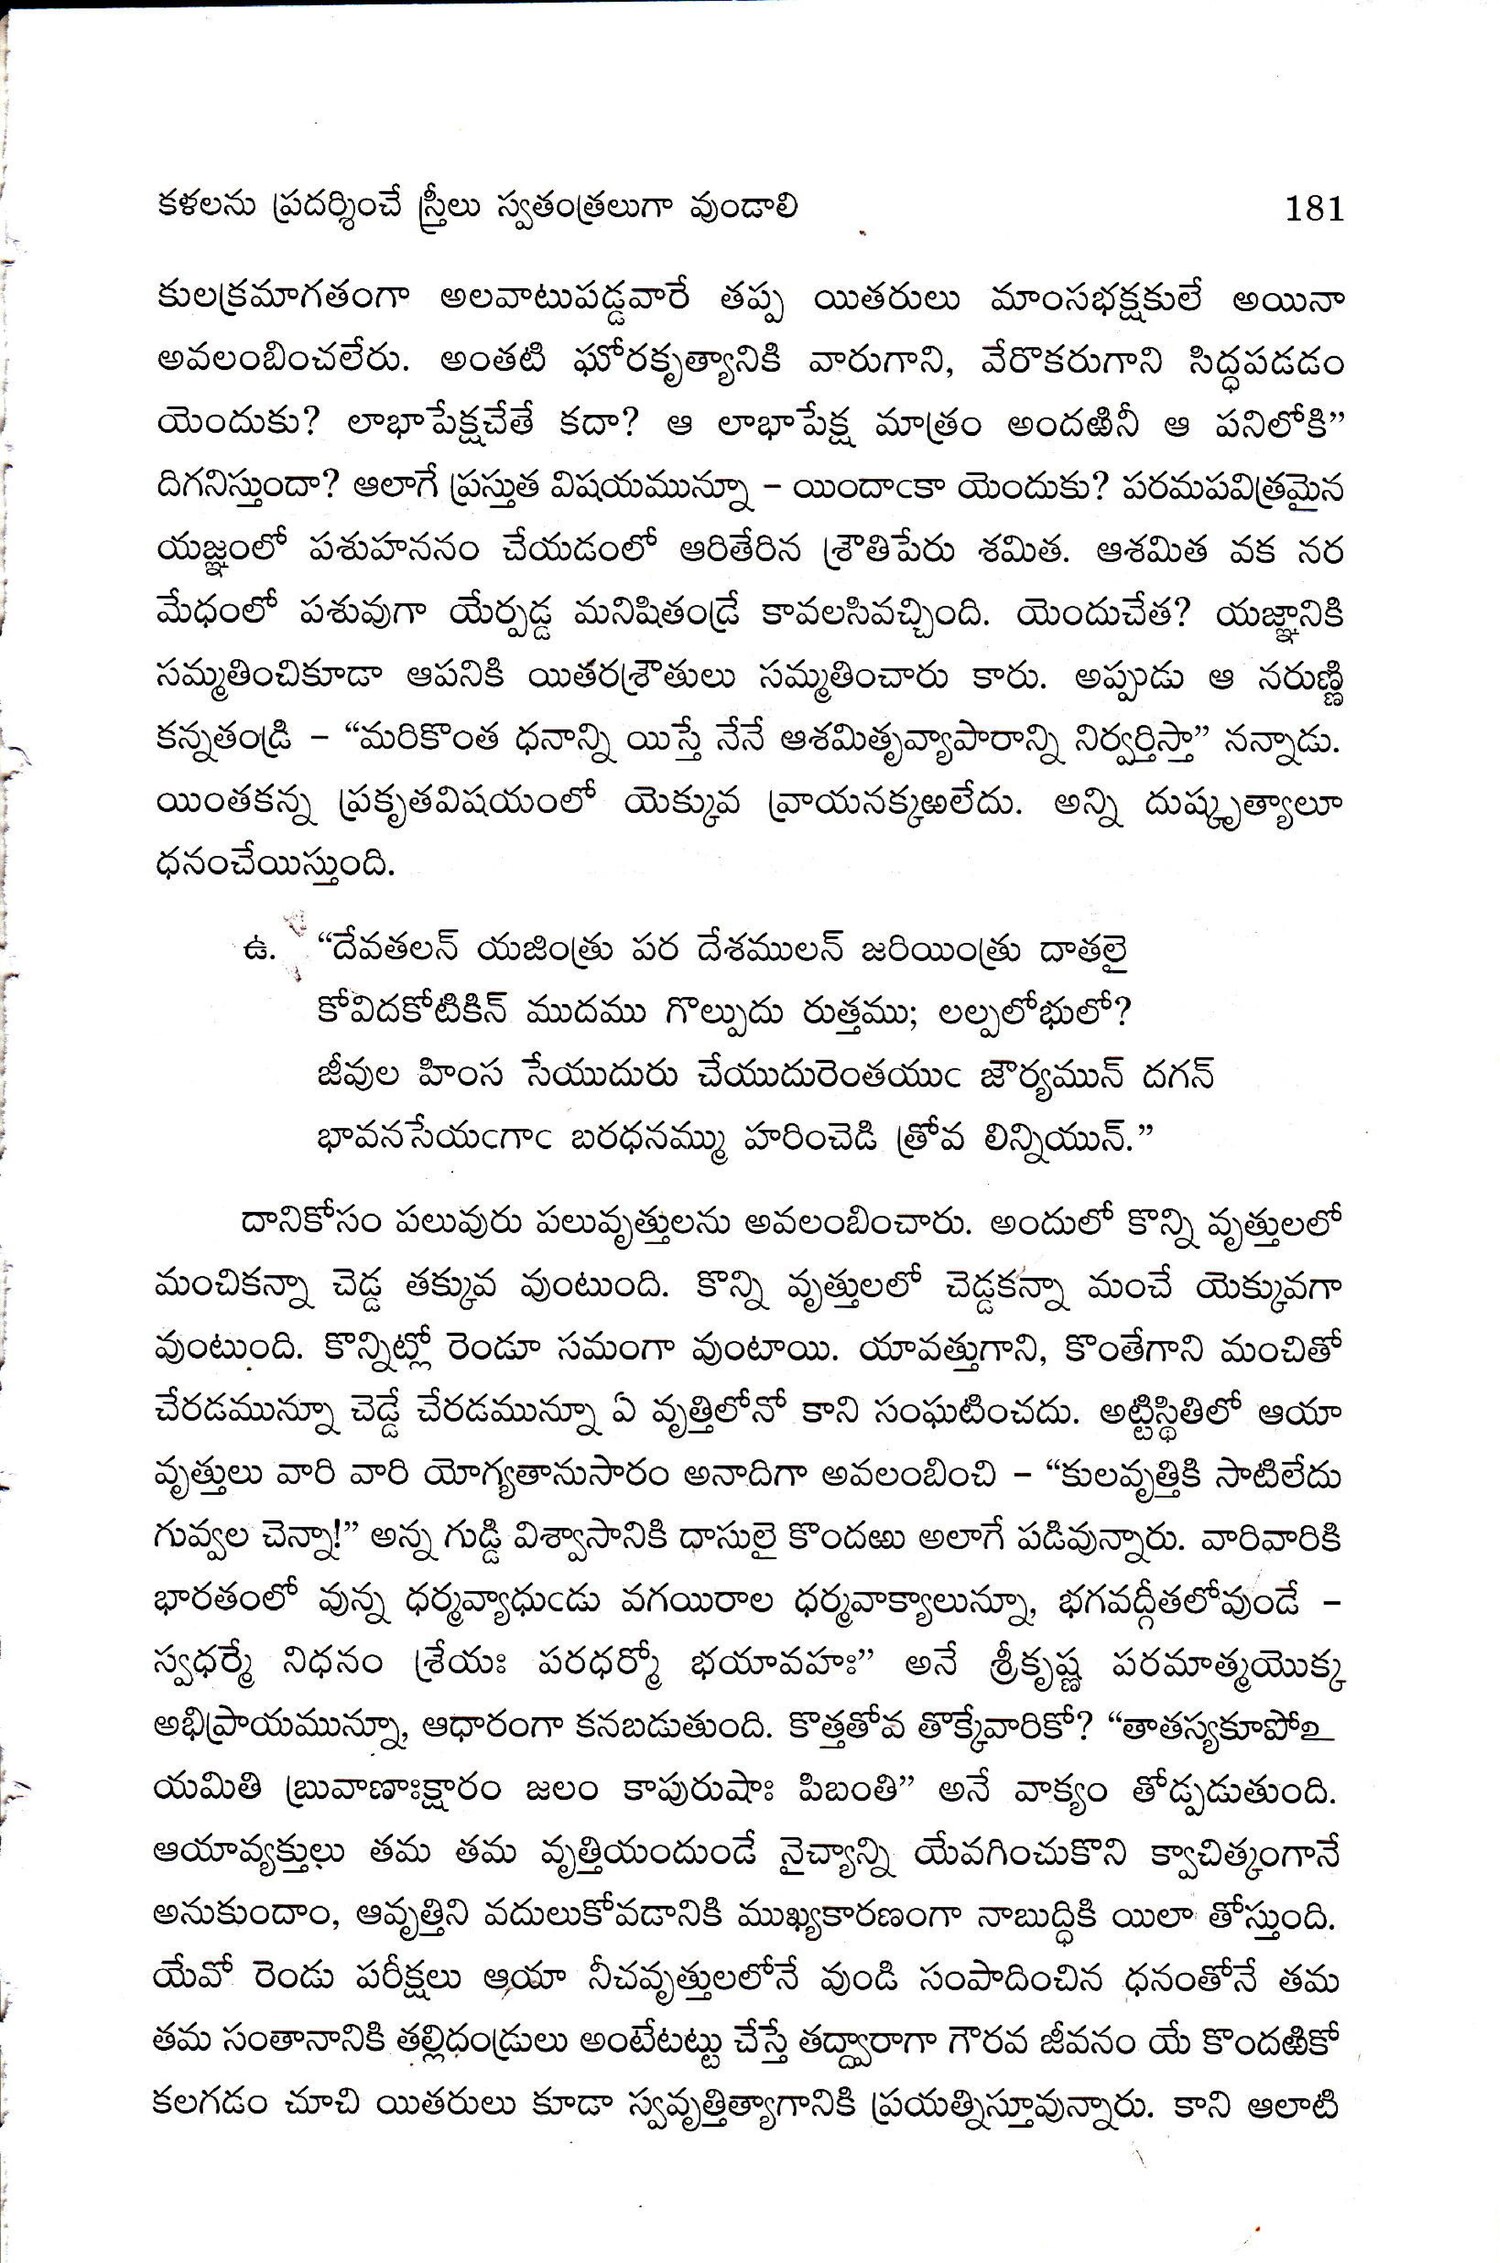కులక్రమాగతంగా అలవాటుపడ్డవారే తప్ప యితరులు మాంసభక్షకులే అయినా అవలంబించలేరు. అంతటి ఘోరకృత్యానికి వారుగాని, వేరొకరుగాని సిద్ధపడడం యెందుకు? లాభాపేక్షచేతే కదా? ఆ లాభాపేక్ష మాత్రం అందఱినీ ఆ పనిలోకి" దిగనిస్తుందా? ఆలాగే ప్రస్తుత విషయమున్నూ - యిందాఁకా యెందుకు? పరమపవిత్రమైన యజ్ఞంలో పశుహననం చేయడంలో ఆరితేరిన శ్రౌతిపేరు శమిత. ఆశమిత వక నరమేధంలో పశువుగా యేర్పడ్డ మనిషితండ్రే కావలసివచ్చింది. యెందుచేత? యజ్ఞానికి సమ్మతించికూడా ఆపనికి యితర శ్రౌతులు సమ్మతించారు కారు. అప్పుడు ఆ నరుణ్ణి కన్నతండ్రి – “మరికొంత ధనాన్ని యిస్తే నేనే ఆశమితృవ్యాపారాన్ని నిర్వర్తిస్తా" నన్నాడు. యింతకన్న ప్రకృతవిషయంలో యెక్కువ వ్రాయనక్కఱలేదు. అన్ని దుష్కృత్యాలూ ధనంచేయిస్తుంది.

ఉ. “దేవతలన్ యజింత్రు పర దేశములన్ జరియింత్రు దాతలై 
 కోవిదకోటికిన్ ముదము గొల్పుదు రుత్తము, లల్పలోభులో? 
 జీవుల హింస సేయుదురు చేయుదురెంతయుc జౌర్యమున్ దగన్ 
 భావనసేయఁగాఁ బరధనమ్ము హరించెడి త్రోవ లిన్నియున్."
దానికోసం పలువురు పలువృత్తులను అవలంబించారు. అందులో కొన్ని వృత్తులలో మంచికన్నా చెడ్డ తక్కువ వుంటుంది. కొన్ని వృత్తులలో చెడ్డకన్నా మంచే యెక్కువగా వుంటుంది. కొన్నిట్లో రెండూ సమంగా వుంటాయి. యావత్తుగాని, కొంతేగాని మంచితో చేరడమున్నూ చెడ్డే చేరడమున్నూ ఏ వృత్తిలోనో కాని సంఘటించదు. అట్టిస్థితిలో ఆయా వృత్తులు వారి వారి యోగ్యతానుసారం అనాదిగా అవలంబించి – “కులవృత్తికి సాటిలేదు గువ్వల చెన్నా!" అన్న గుడ్డి విశ్వాసానికి దాసులై కొందఱు అలాగే పడివున్నారు. వారివారికి భారతంలో వున్న ధర్మవ్యాధుఁడు వగయిరాల ధర్మవాక్యాలున్నూ, భగవద్గీతలోవుండే - స్వధర్మే నిధనం శ్రేయః పరధర్మో భయావహః’ అనే శ్రీకృష్ణ పరమాత్మయొక్క అభిప్రాయమున్నూ ఆధారంగా కనబడుతుంది. కొత్తతోవ తొక్కేవారికో? "తాతస్యకూపో౽యమితి బ్రువాణాఃక్షారం జలం కాపురుషాః పిబంతి” అనే వాక్యం తోడ్పడుతుంది. ఆయావ్యక్తులు తమ తమ వృత్తియందుండే నైచ్యాన్ని యేవగించుకొని క్వాచిత్కంగానే అనుకుందాం, ఆవృత్తిని వదులుకోవడానికి ముఖ్యకారణంగా నాబుద్ధికి యిలా తోస్తుంది. యేవో రెండు పరీక్షలు ఆయా నీచవృత్తులలోనే వుండి సంపాదించిన ధనంతోనే తమ తమ సంతానానికి తల్లిదండ్రులు అంటేటట్టు చేస్తే తద్ద్వారాగా గౌరవ జీవనం యే కొందఱికో కలగడం చూచి యితరులు కూడా స్వవృత్తిత్యాగానికి ప్రయత్నిస్తూవున్నారు. కాని ఆలాటి